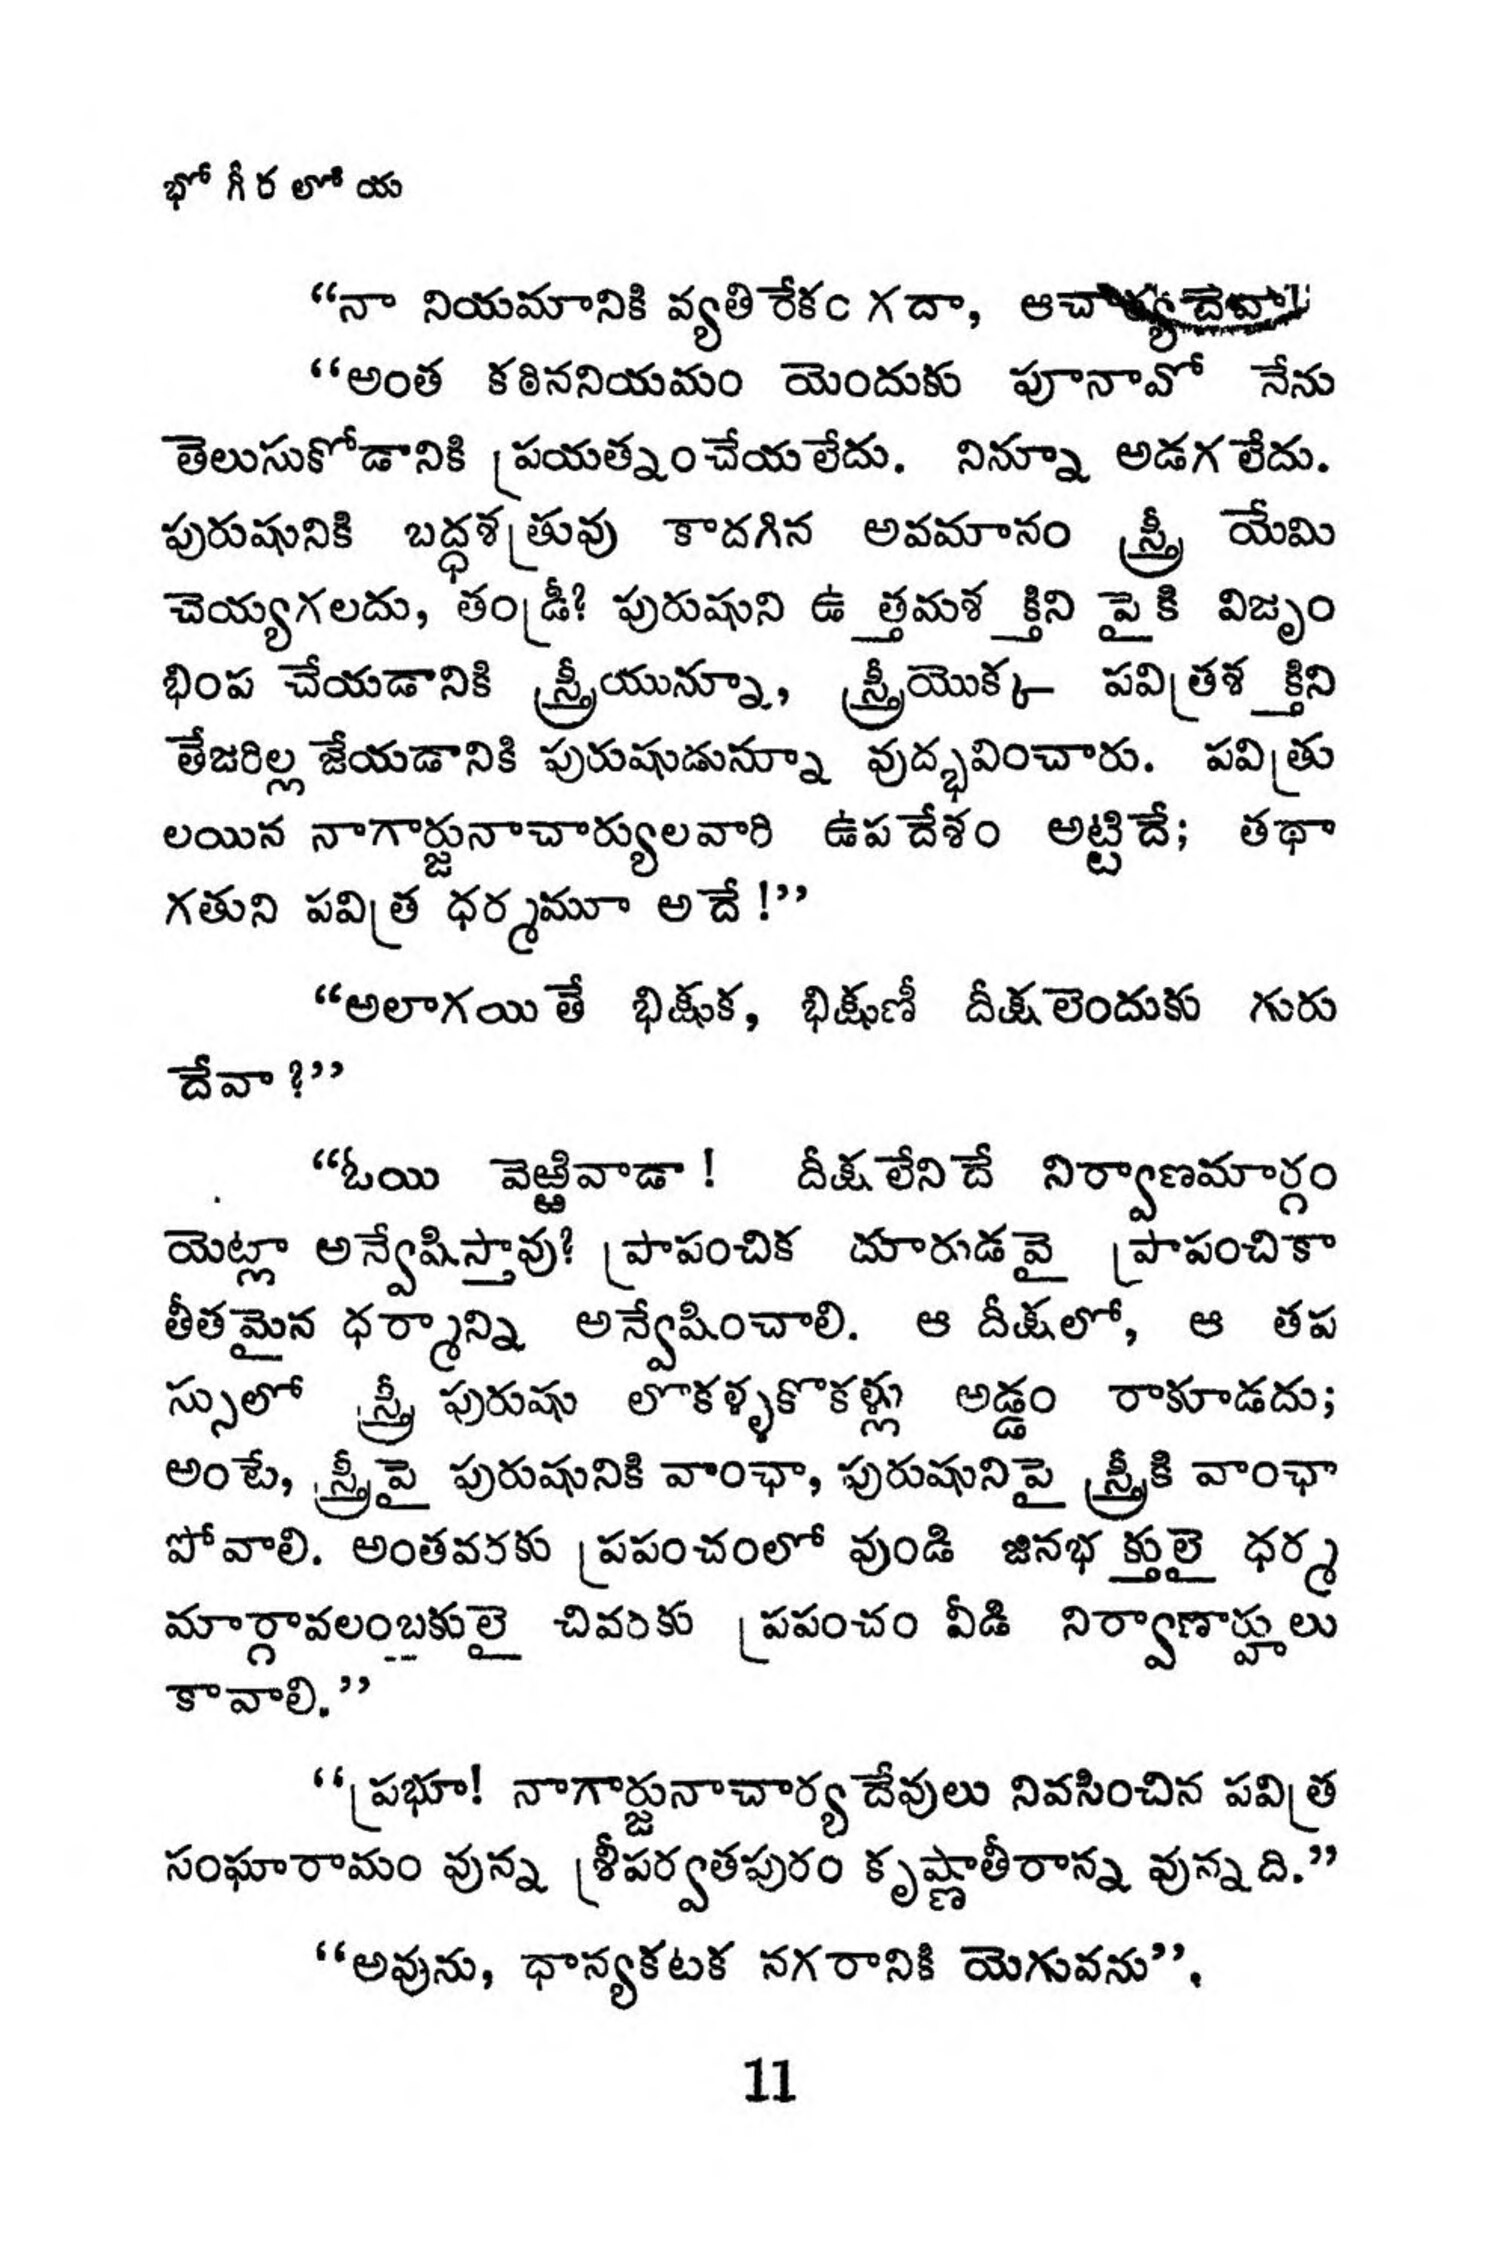“నా నియమానికి వ్యతిరేకం గదా, ఆచార్యదేవా?”

“అంత కఠిననియమం యెందుకు పూనావో నేను తెలుసుకోడానికి ప్రయత్నంచేయలేదు. నిన్నూ అడగలేదు. పురుషునికి బద్ధశత్రువు కాదగిన అవమానం స్త్రీ యేమి చెయ్యగలదు, తండ్రీ? పురుషుని ఉత్తమశక్తిని పైకి విజృంభింప చేయడానికి స్త్రీయున్నూ, స్త్రీయొక్క పవిత్రశక్తిని తేజరిల్ల జేయడానికి పురుషుడున్నూ వుద్భవించారు. పవిత్రులయిన నాగార్జునాచార్యులవారి ఉపదేశం అట్టిదే; తథాగతుని పవిత్ర ధర్మమూ అదే!”

“అలాగయితే భిక్షుక, భిక్షుణీ దీక్షలెందుకు గురుదేవా?”

“ఓయి వెఱ్ఱివాడా! దీక్షలేనిదే నిర్వాణమార్గం యెట్లా అన్వేషిస్తావు? ప్రాపంచిక దూరుడవై ప్రాపంచికాతీతమైన ధర్మాన్ని అన్వేషించాలి. ఆ దీక్షలో, ఆ తపస్సులో స్త్రీ పురుషు లొకళ్ళకొకళ్లు అడ్డం రాకూడదు; అంటే, స్త్రీపై పురుషునికి వాంఛా, పురుషునిపై స్త్రీకి వాంఛా పోవాలి. అంతవరకు ప్రపంచంలో వుండి జినభక్తులై ధర్మ మార్గావలంబకులై చివరకు ప్రపంచం వీడి నిర్వాణార్హులు కావాలి.”

“ప్రభూ! నాగార్జునాచార్యదేవులు నివసించిన పవిత్ర సంఘారామం వున్న శ్రీపర్వతపురం కృష్ణాతీరాన్న వున్నది.”

“అవును, ధాన్యకటక నగరానికి యెగువను.”